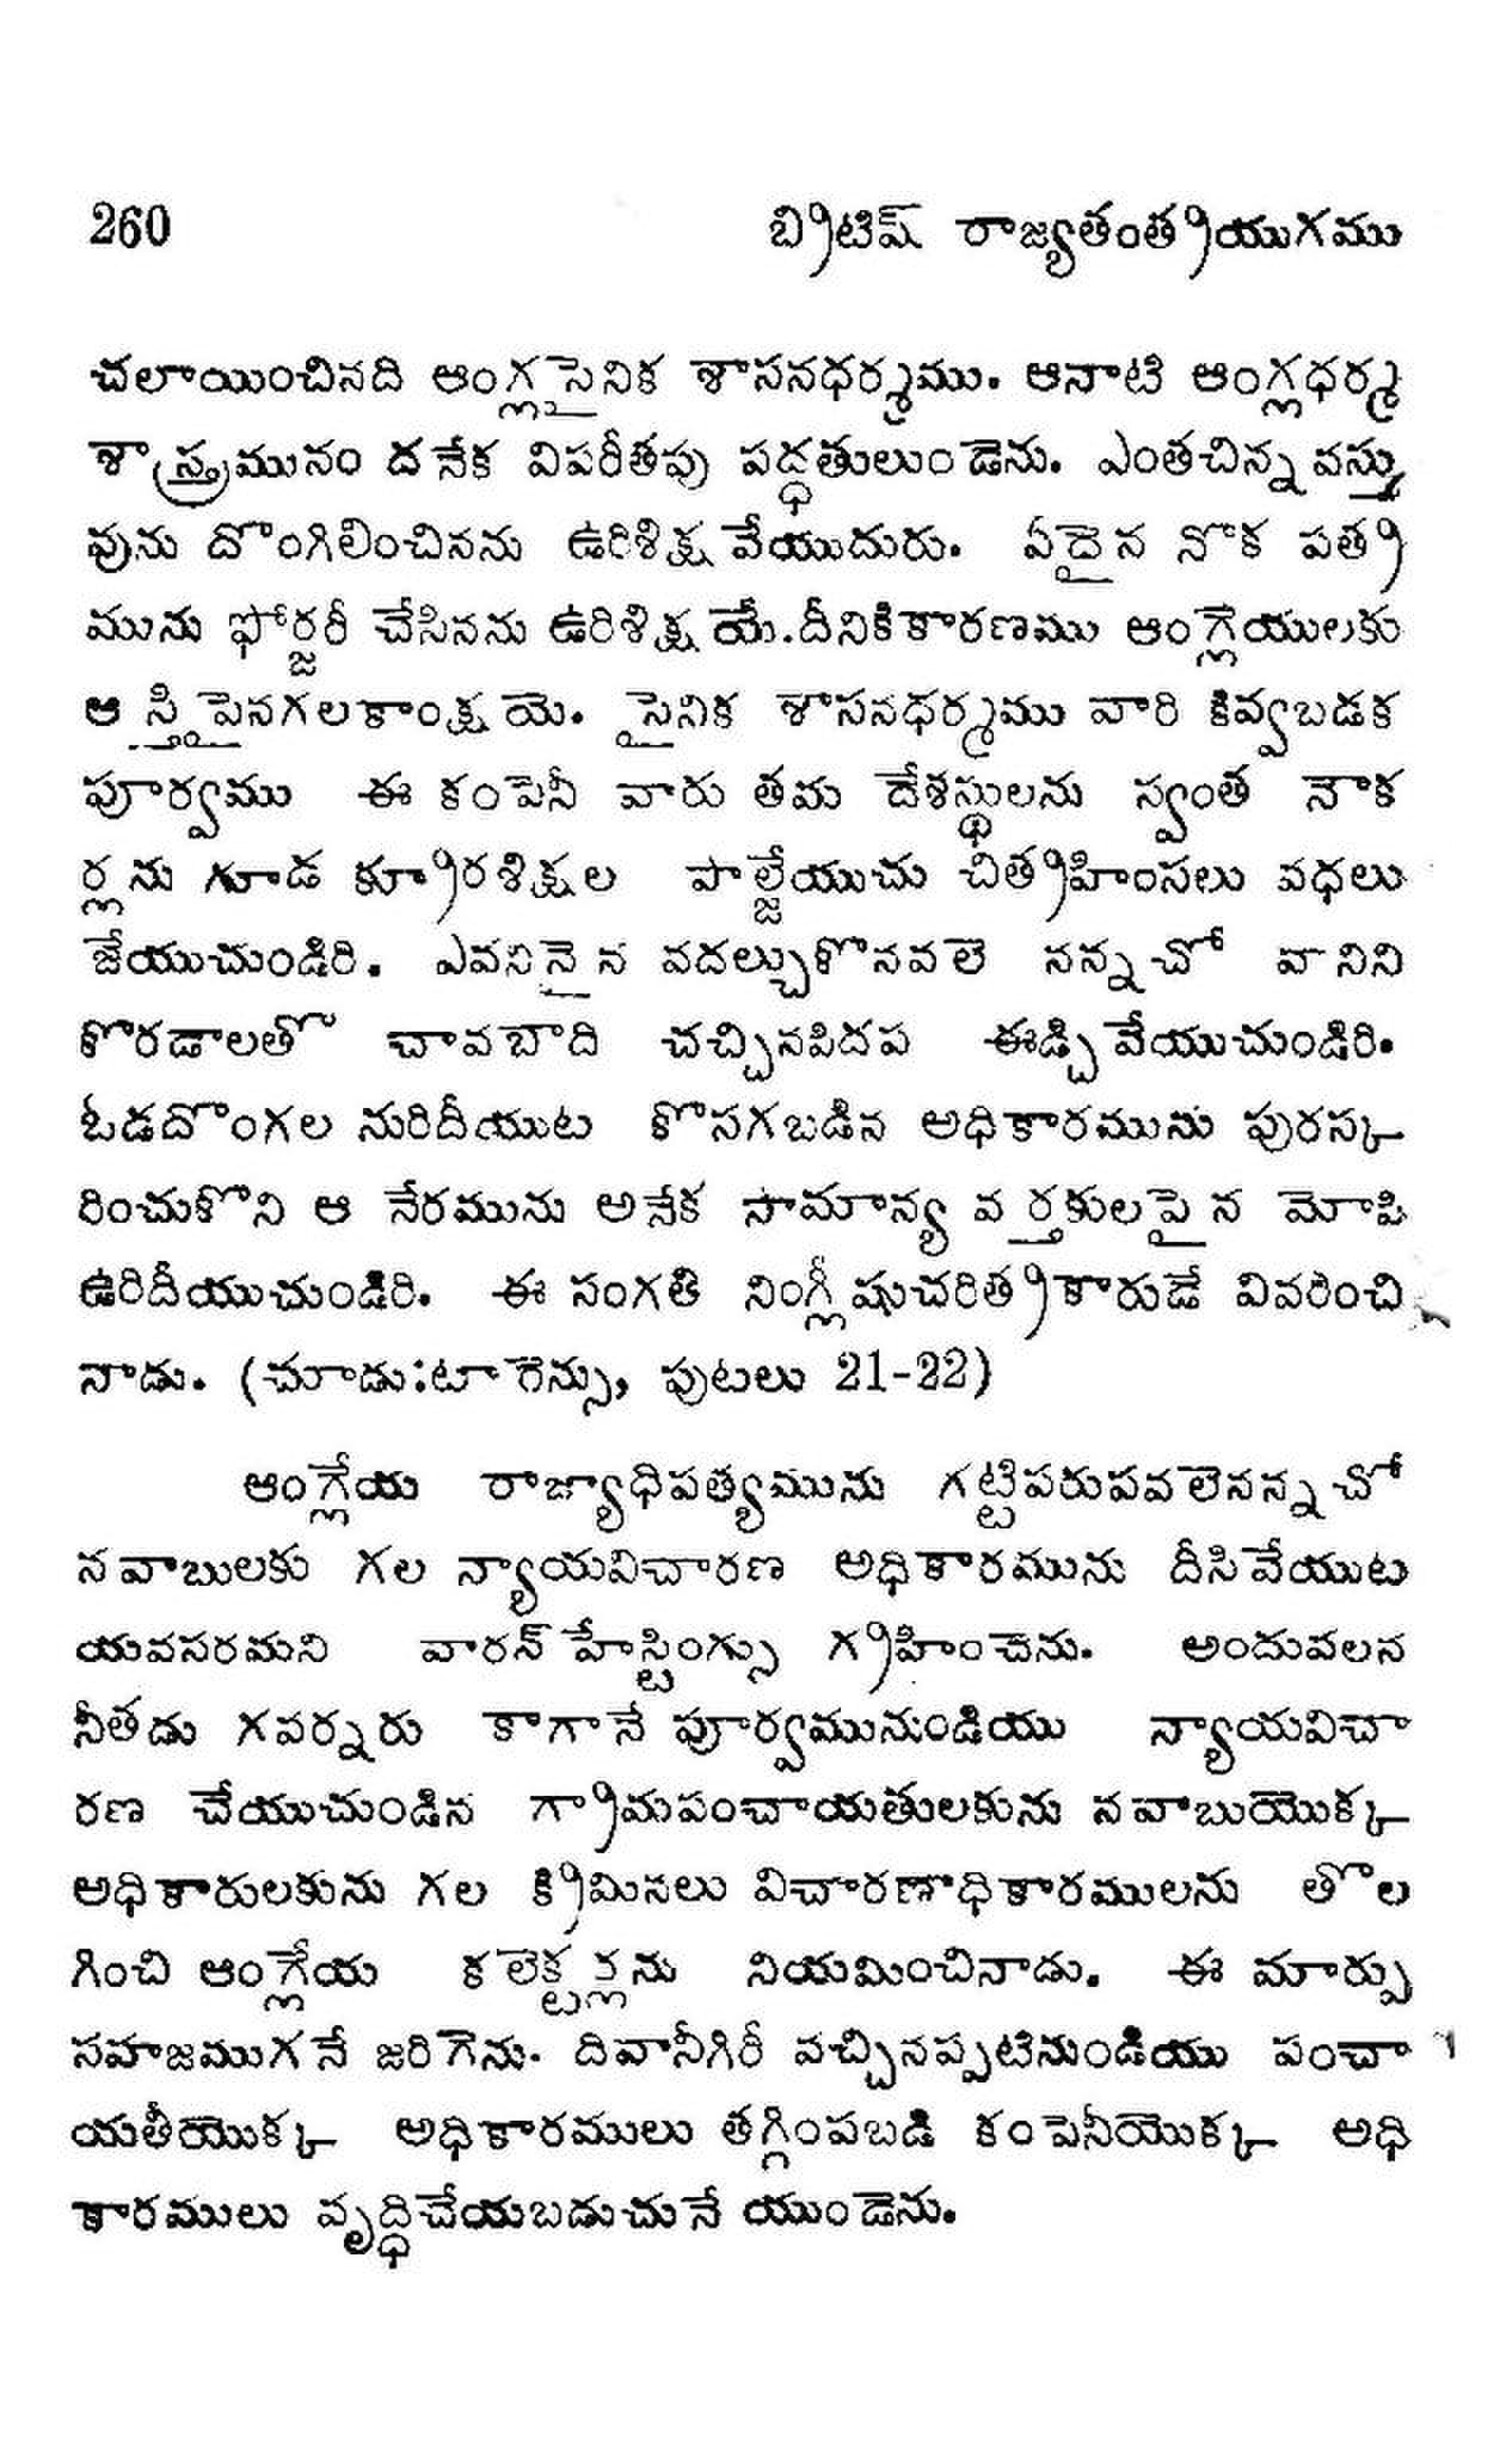చలాయించినది ఆంగ్లసైనిక శాసనధర్మము. ఆనాటి ఆంగ్లధర్మశాస్త్రమునం దనేక విపరీతపు పద్ధతులుండెను. ఎంతచిన్న వస్తువును దొంగిలించినను ఉరిశిక్షవేయుదురు. ఏదైన నొక పత్రమును ఫోర్జరీ చేసినను ఉరిశిక్షయే. దీనికికారణము ఆంగ్లేయులకు ఆస్తిపైనగలకాంక్షయె. సైనిక శాసనధర్మము వారి కివ్వబడక పూర్వము ఈ కంపెనీ వారు తమ దేశస్థులను స్వంత నౌకర్లను గూడ క్రూరశిక్షల పాల్జేయుచు చిత్రహింసలు వధలు జేయుచుండిరి. ఎవనినైన వదల్చుకొనవలె నన్నచో వానిని కొరడాలతో చావబాది చచ్చినపిదప ఈడ్చి వేయుచుండిరి. ఓడదొంగల నురిదీయుట కొసగబడిన అధికారమును పురస్కరించుకొని ఆ నేరమును అనేక సామాన్య వర్తకులపైన మోపి ఉరిదీయుచుండిరి. ఈ సంగతి నింగ్లీషుచరిత్రకారుడే వివరించినాడు. (చూడు: టారెన్సు, పుటలు 21-22) 

ఆంగ్లేయ రాజ్యాధిపత్వమును గట్టిపరుపవలెనన్నచో నవాబులకు గల న్యాయవిచారణ అధికారమును దీసివేయుట యవసరమని వారన్ హేస్టింగ్సు గ్రహించెను. అందువలన నీతడు గవర్నరు కాగానే పూర్వమునుండియు న్యాయవిచారణ చేయుచుండిన గ్రామపంచాయతులకును నవాబుయొక్క అధికారులకును గల క్రిమినలు విచారణాధికారములను తొలగించి ఆంగ్లేయ కలెక్టర్లను నియమించినాడు. ఈ మార్పు సహజముగనే జరిగెను. దివానీగిరీ వచ్చినప్పటినుండియు పంచాయతీయొక్క అధికారములు తగ్గింపబడి కంపెనీయొక్క అధికారములు వృద్ధిచేయబడుచునే యుండెను.